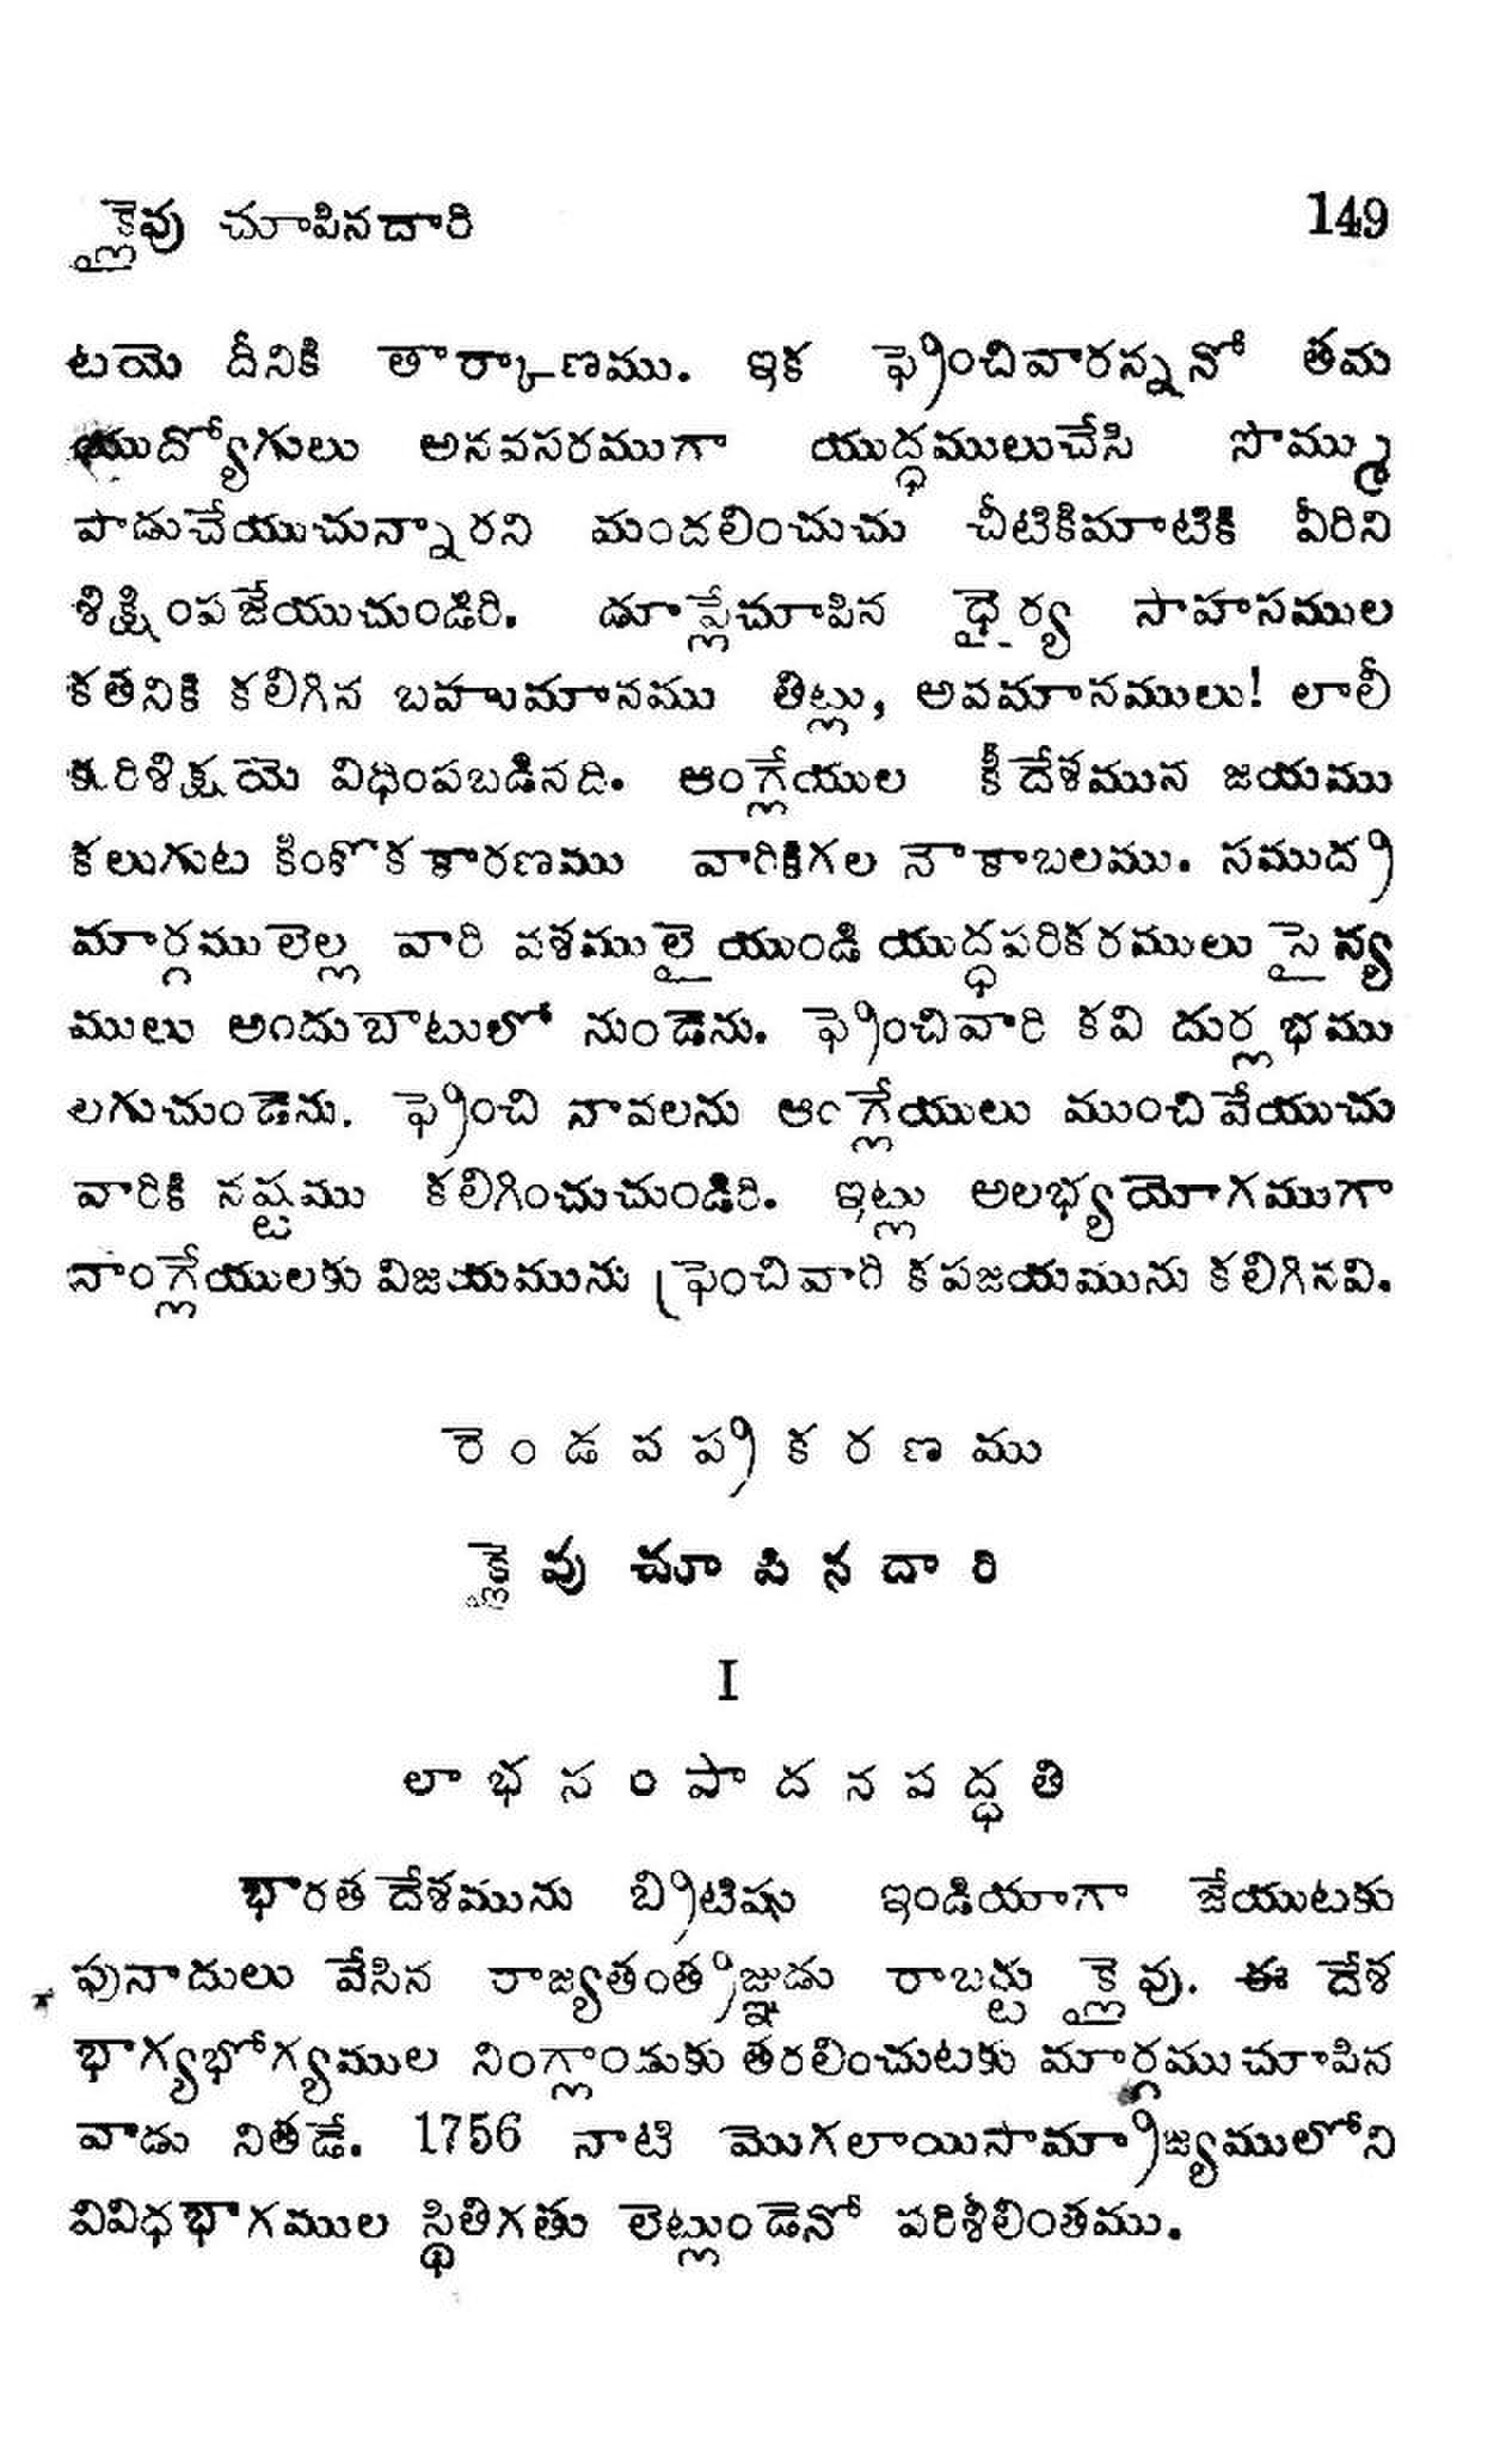టయె దీనికి తార్కాణము. ఇక ఫ్రెంచివారన్ననో తమ యుద్యోగులు అనవసరముగా యుద్ధములుచేసి సొమ్ము పాడుచేయుచున్నారని మందలించుచు చీటికిమాటికి వీరిని శిక్షింపజేయుచుండిరి. డూప్లేచూపిన ధైర్య సాహసముల కతనికి కలిగిన బహుమానము తిట్లు, అవమానములు! లాలీ కురిశిక్షయె విధింపబడినది. ఆంగ్లేయుల కీ దేశమున జయము కలుగుట కింకొక కారణము వారికిగల నౌకాబలము. సముద్ర మార్గములెల్ల వారి వశములై యుండి యుద్ధపరికరములు సైన్యములు అందుబాటులో నుండెను. ఫ్రెంచివారి కవి దుర్లభము లగుచుండెను. ఫ్రెంచి నావలను ఆంగ్లేయులు ముంచివేయుచు వారికి నష్టము కలిగించుచుండిరి. ఇట్లు అలభ్యయోగముగా నాంగ్లేయులకు విజయమును ఫ్రెంచివారి కపజయమును కలిగినవి.

రెండవప్రకరణము 
క్లైవు చూపినదారి
I
లాభసంపాదన పద్ధతి

భారతదేశమును బ్రిటిషు ఇండియాగా జేయుటకు పునాదులు వేసిన రాజ్యతంత్రజ్ఞుడు రాబర్టు క్లైవు. ఈ దేశ
భాగ్యభోగ్యముల నింగ్లాండుకు తరలించుటకు మార్గము చూపిన వాడు నితడే. 1756 నాటి మొగలాయిసామ్రాజ్యములోని వివిధభాగముల స్థితిగతు లెట్లుండెనో పరిశీలింతము.